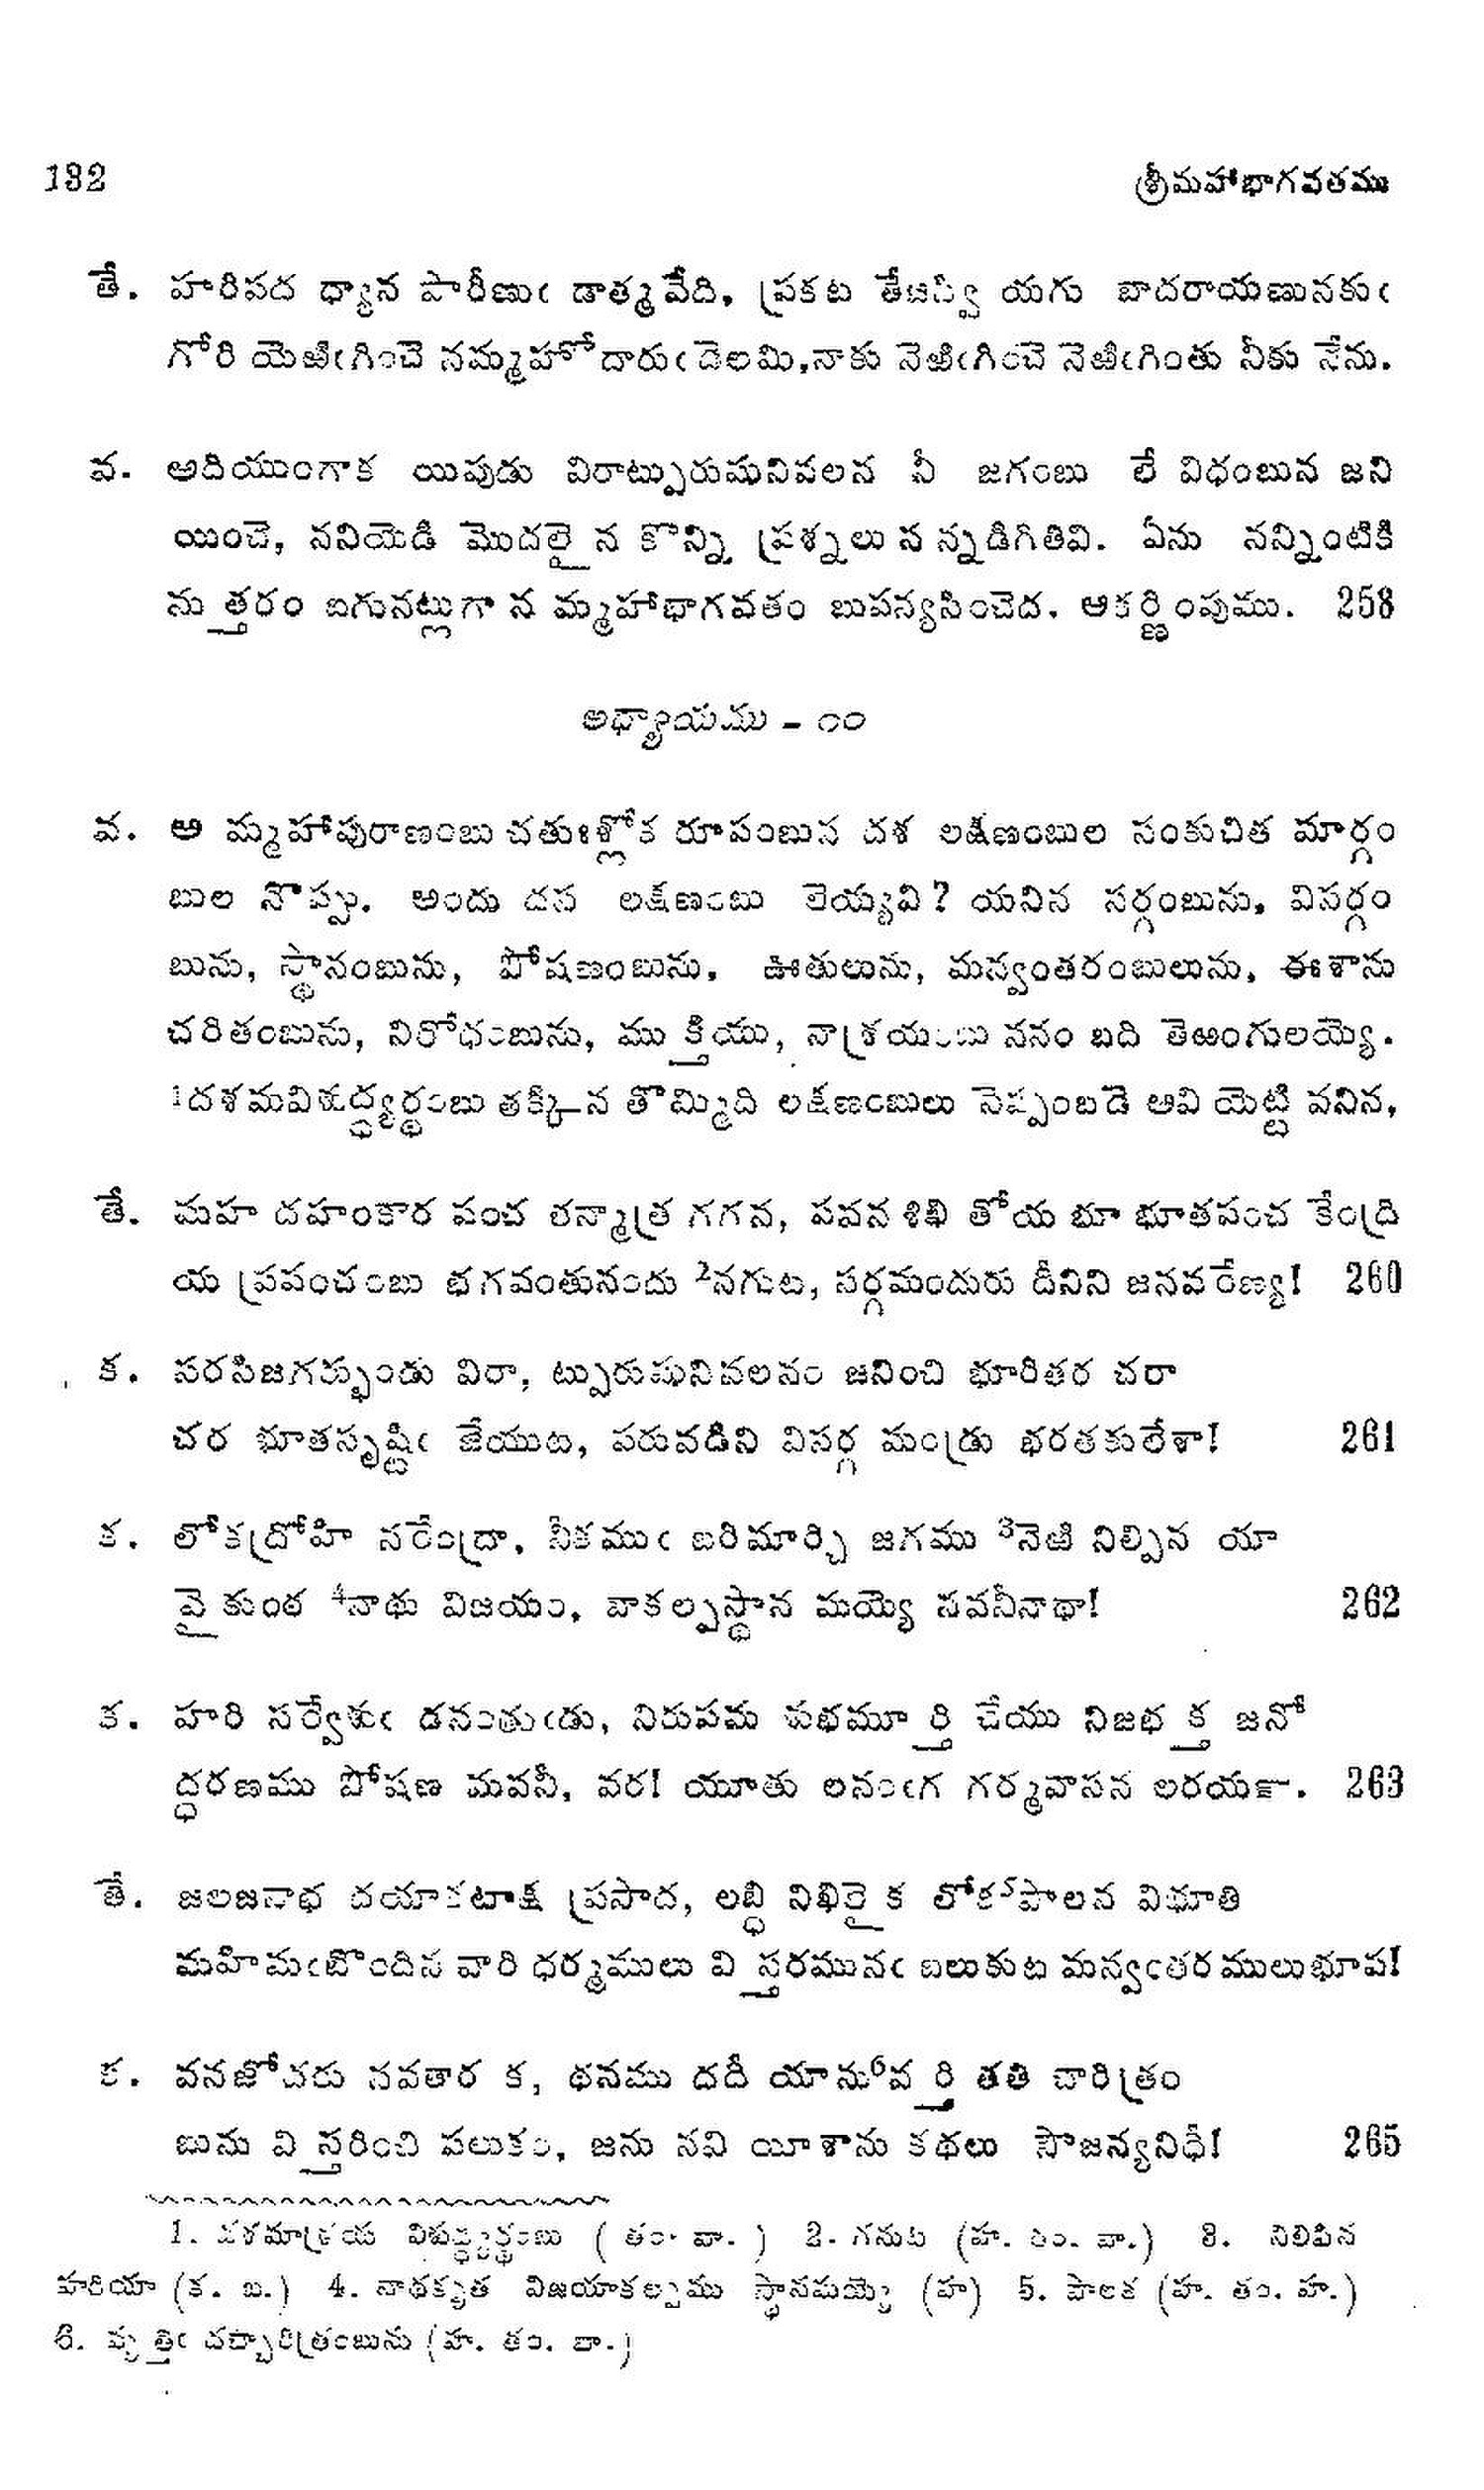132

తే. హరిపద ధ్యాన పారీణుఁ డాత్మవేది, ప్రకట తేజస్వి యగు బాదరాయణునకుఁ

గోరి యెఱిఁగించె నమ్మహోదారుఁడెలిమి, నాకు నెఱిఁగించె నెఱిఁగింతు నీకు నేను. (257)

వ. అదియుంగాక యిపుడు విరాట్పురుఘనివలన నీ జగంబు లే విధంబున జనియించె, ననియెడి మొదలైన కొన్ని ప్రశ్నలు నన్నడిగితివి. ఏను నన్నింటికి నుత్తరం బగునట్లుగా నమ్మహాభాగవతం 

బుపన్యసించెద. ఆకర్ణింపుము. (258)

వ. అ మ్మహాపురాణంబు చతుఃశ్లోక రూపంబున దశ లక్షణంబుల సంకుచిత మార్గంబుల నొప్పు. అందు దశ లక్షణంబు లెయ్యవి? యనిన సర్గంబును, విసర్గంబును, స్ధానంబును, 

పోషణంబును, ఊతులను, మన్వంతరంబులును, ఈశానుచరితంబును, ముక్తియు, నాశ్రయంబు ననం బది తెఱంగులయ్యె. దశమవిశుద్ధ్యర్ధంబు తక్కిన తొమ్మిది లక్షణంబులు 

సెప్పంబడె అవి యెట్టి వనిన, (259)

తే. మహ దహంకార పంచ తన్మాత్ర గగన, పవన శిఖ తోయ భూ భూతపంచకేంద్రియ

ప్రపంచంబు భగవంతునందు నగుట, సరమందురు దీనిని జనవరేణ్య! (260)

క. సరసిజగర్భుండు విరా, ట్పురుషునివలనం జనించి భూరితర చరా

చర భూతసృష్టిఁ జేయుట, పరువడిని విసర్గ మండ్రు భరతకులేశా ! (261)

క. లోకద్రోహి నరేంద్రా, నీకముఁ బరిమార్చి జగము నెఱి నిల్పిన యా 

వైకుంఠ నాథు విజయం, బాకల్పస్థాన మయ్యె నవనీనాథా! (262)

క. హరి సర్వేశుఁ డనంతుడు, నిరుపము శుభమూర్తి చేయు నిజభక్తజనో

ద్ధరణము పోషణ మవనీ, వర ! యూతు లనంగ గర్మవాసన లరయన్. (263)

తే. జలజనాభ దయాకటాక్ష ప్రసాద, లబ్ధి నిఖిలైక లోకపాలన విభూతి

మహిమఁబొందిన వారి ధర్మములు విస్తరమునఁ బలుకుట మన్వంతరములుభూప! (264)

క. వనజోదరు నవతార క, థనము దదీ యాను వర్తి తతి చారిత్రం

బును విస్తరించి పలుకం, జను నవి యీశాను కథలు సౌజన్యనిధీ ! (265)